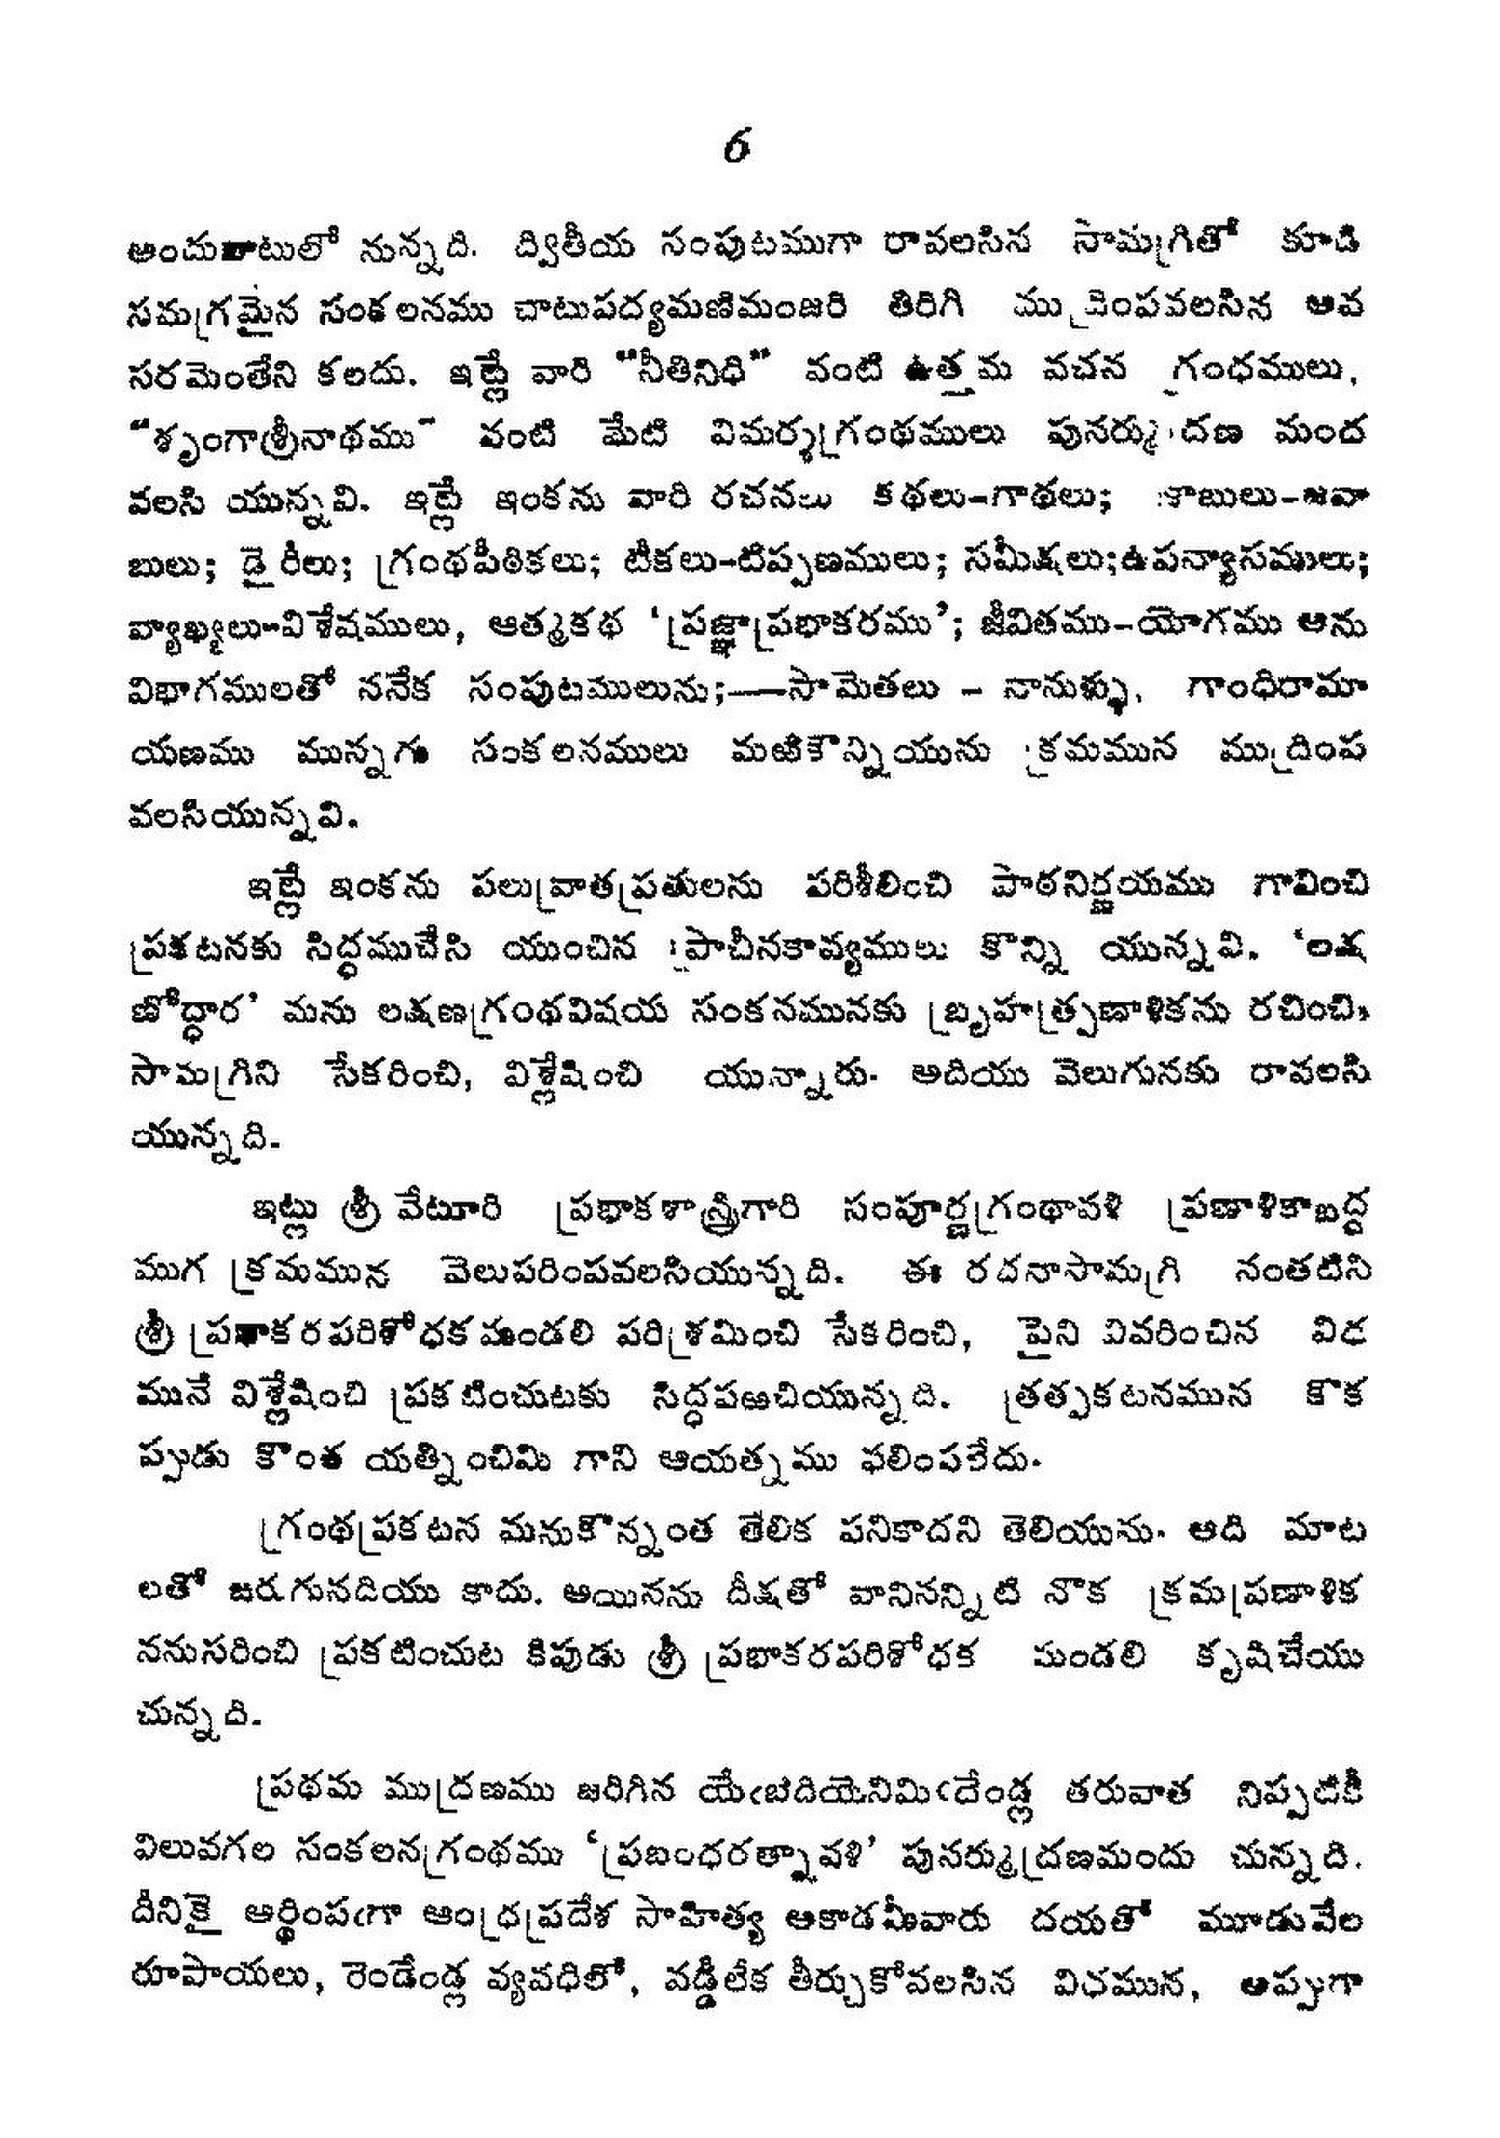అందుబాటులో నున్నది. ద్వితీయ సంపుటముగా రావలసిన సామగ్రితో కూడి సమగ్రమైన సంకలనము చాటుపద్యమణిమంజరి తిరిగి ముద్రింపవలసిన ఆవసరమెంతేని కలదు. ఇట్లే వారి “నీతినిధి" వంటి ఉత్తమ వచన గ్రంధములు, "శృంగాశ్రీనాథము" వంటి మేటి విమర్శ గ్రంథములు పునర్ముదణ మందవలసి యున్నవి. ఇట్లే ఇంకను వారి రచనలు కథలు-గాథలు; జాబులు-జవాబులు; డైరీలు; గ్రంథపీఠికలు, టీకలు-టిప్పణములు; సమీక్షలు;ఉపన్యాసములు; వ్యాఖ్యలు-విశేషములు, ఆత్మకథ 'ప్రజ్ఞాప్రభాకరము'; జీవితము-యోగము ఆను విభాగములతో ననేక సంపుటములును;—సామెతలు - నానుళ్ళు, గాంధిరామాయణము మున్నగు సంకలనములు మఱికొన్నియును క్రమమున ముద్రింపవలసియున్నవి.

ఇట్లే ఇంకను పలువ్రాతప్రతులను పరిశీలించి పాఠనిర్ణయము గావించి ప్రకటనకు సిద్ధముచేసి యుంచిన ప్రాచీనకావ్యములు కొన్ని యున్నవి. 'లక్షణోధార' మను లక్షణగ్రంథవిషయ సంకనమునకు బ్రృహత్ర్పణాళికను రచించి, సామగ్రిని సేకరించి, విశ్లేషించి యున్నారు. అదియు వెలుగునకు రావలసియున్నది.

ఇట్లు శ్రీ వేటూరి ప్రభాకశాస్త్రిగారి సంపూర్ణగ్రంథావళి ప్రణాళికాబద్ధముగ క్రమమున వెలుపరింపవలసియున్నది. ఈ రచనాసామగ్రి నంతటిని శ్రీ ప్రజాకరపరిశోధకమండలి పరిశ్రమించి సేకరించి, పైని వివరించిన విధమునే విశ్లేషించి ప్రకటించుటకు సిద్ధపఱచియున్నది. త్రత్పకటనమున కొకప్పుడు కొంత యత్నించిమి గాని ఆయత్నము ఫలింపలేదు.

గ్రంథప్రకటన మనుకొన్నంత తేలిక పనికాదని తెలియును. ఆది మాటలతో జరగునదియు కాదు. అయినను దీక్షతో వానినన్నిటి నొక క్రమప్రణాళిక ననుసరించి ప్రకటించుట కిపుడు శ్రీ ప్రభాకరపరిశోధక మండలి కృషిచేయుచున్నది.

ప్రథమ ముద్రణము జరిగిన యేఁబదియెనిమిఁదేండ్ల తరువాత నిప్పటికీ విలువగల సంకలనగ్రంథము ‘ప్రబంధరత్నావళి’ పునర్ముద్రణమందు చున్నది. దీనికై ఆర్థింపఁగా ఆంధ్రప్రదేశ సాహిత్య అకాడమీవారు దయతో మూడువేల రూపాయలు, రెండేండ్ల వ్యవధిలో, వడ్డీ లేక తీర్చుకోవలసిన విధమున, అప్పుగా